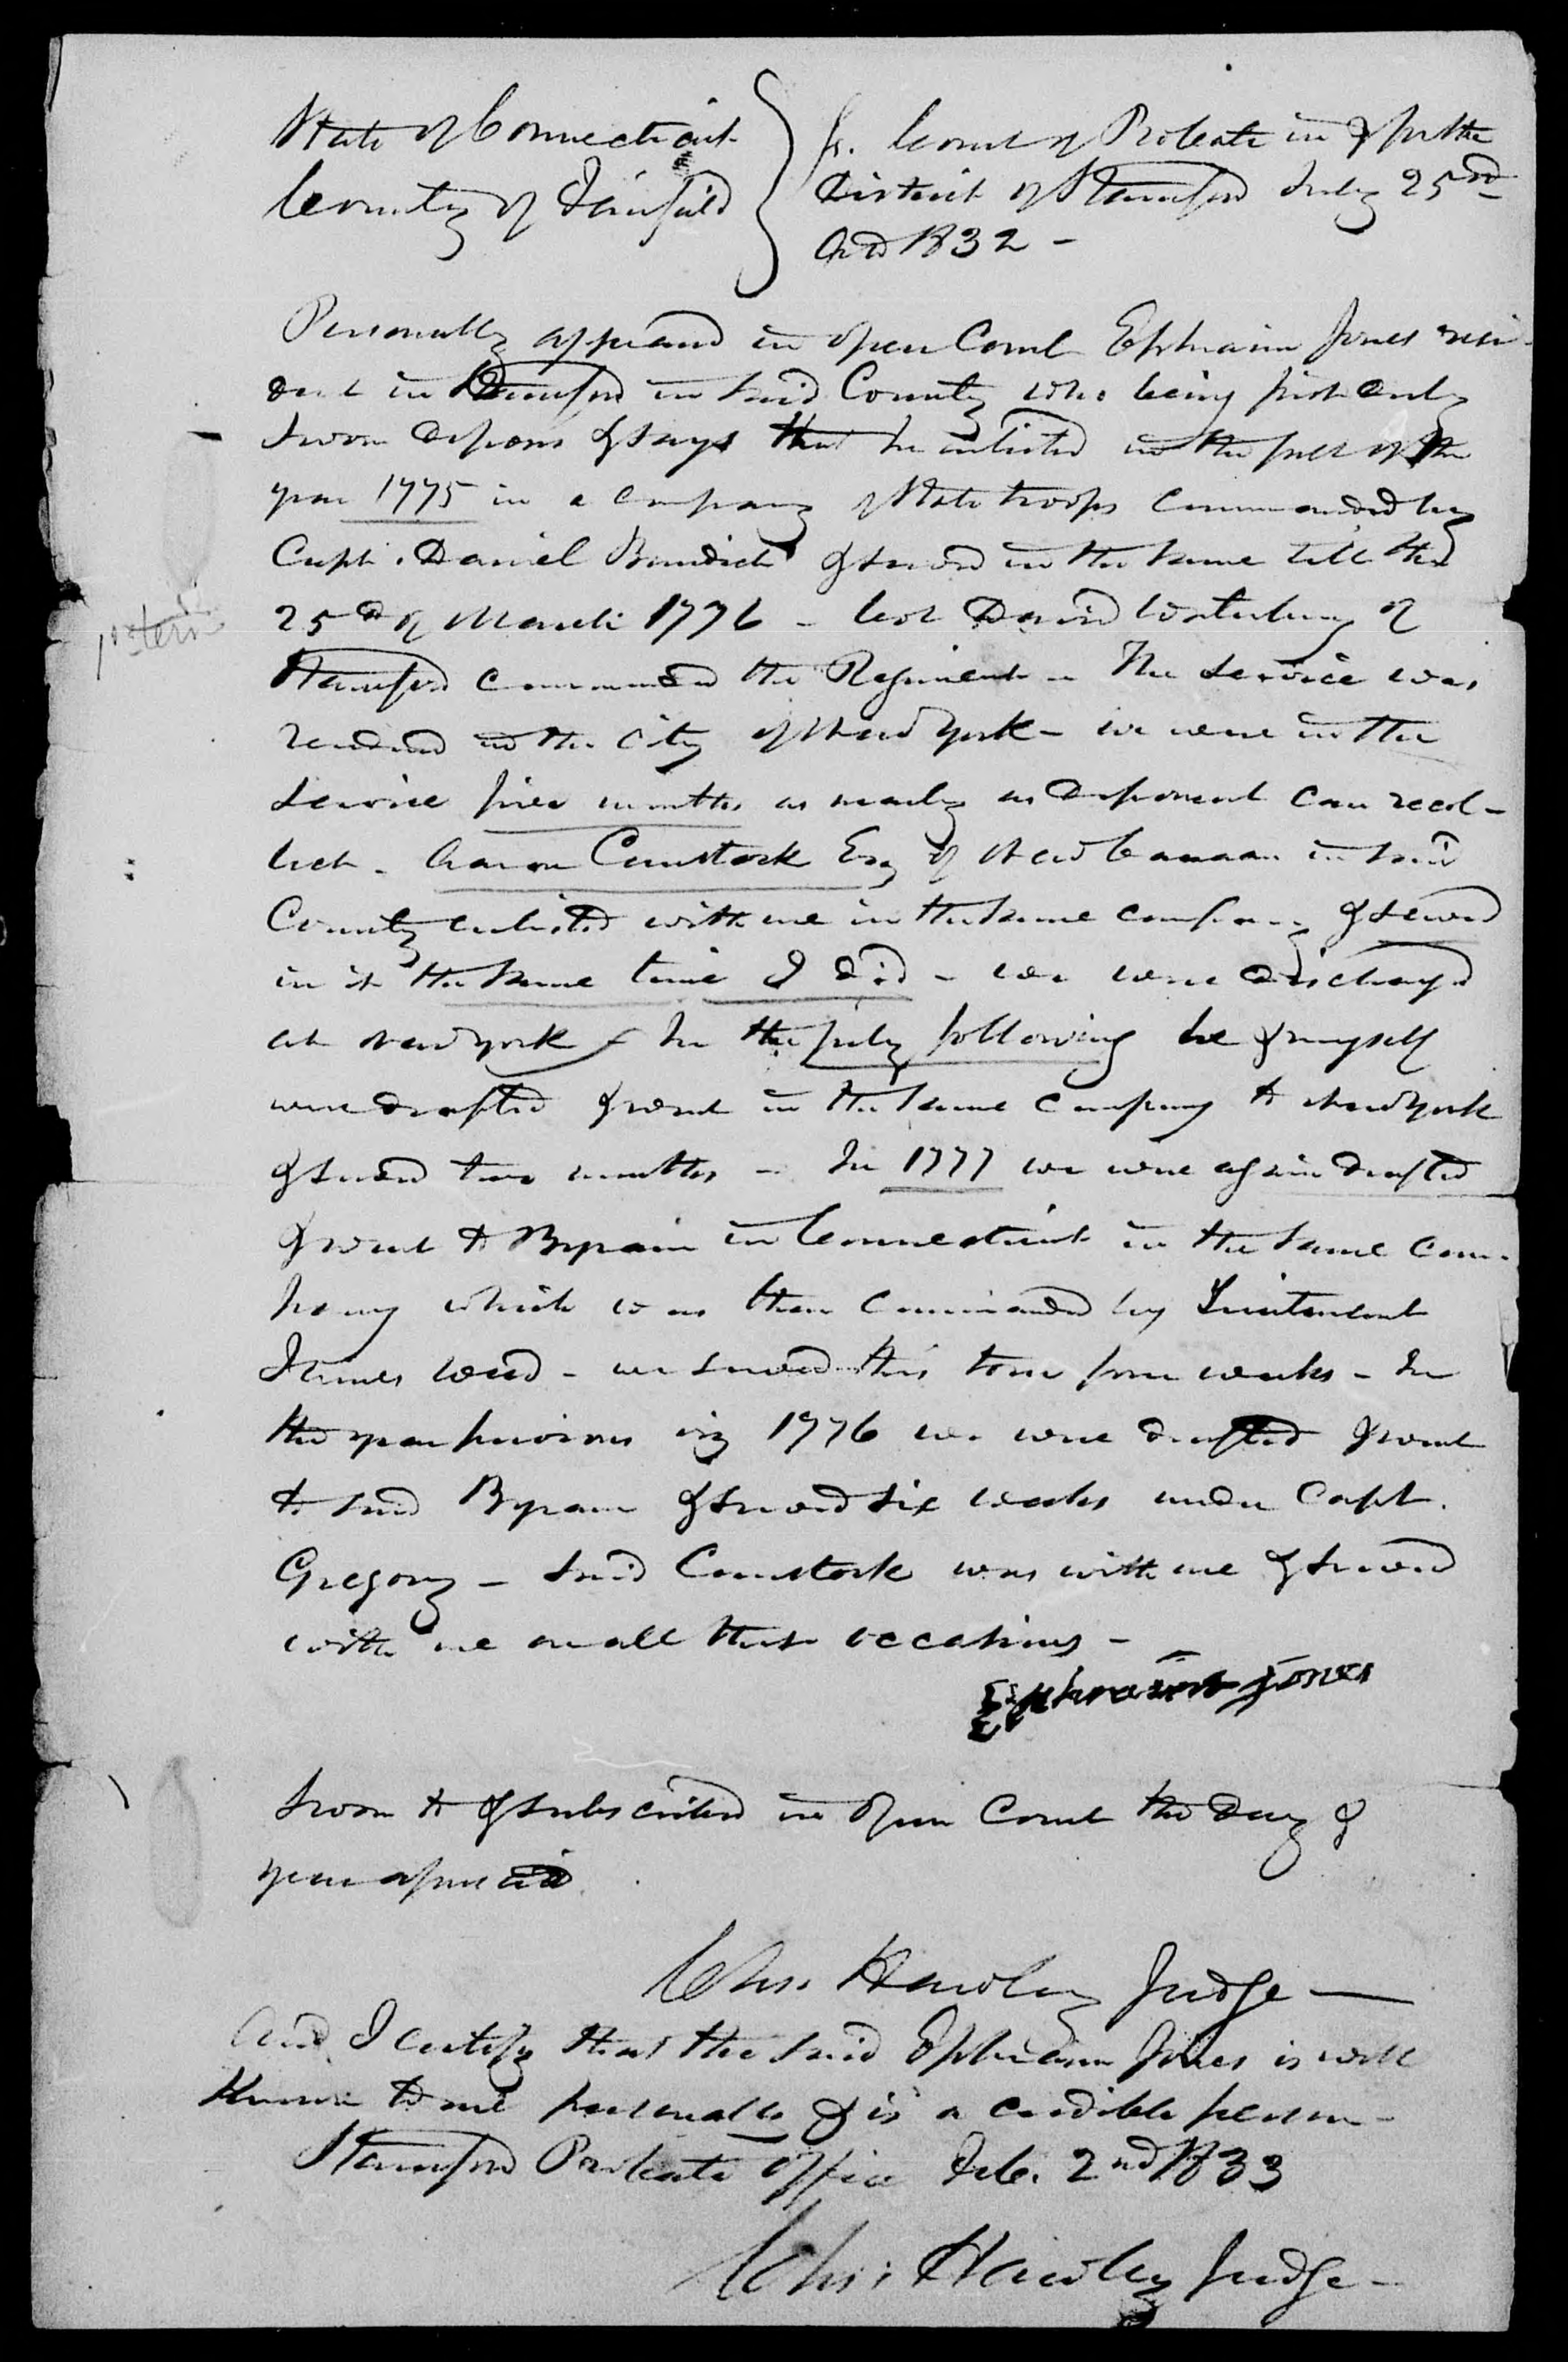State of Connecticut | Ss. Court of Probate in & for the
County of Fairfield | District of Stamford July 25rd Ad 1832 -

Personally appeared in open Court Ephraim Jones resident in Stamford in said County who being first duly sworn deposes & says that he enlisted in the fall of the year 1775 [underlined] in a company of state troops commanded by Capt. Daniel Benedict & served in the same till the 25th of March 1776 - Col David Waterbury of Stamford commanded the Regiment - The service was rendered in the city of New York - we were in the service five months [underlined] as nearly as Deponent can recollect. Aaron Comstock Esq [underlined] of New Canaan in said County enlisted with me in the same company & served in it the same time I did [underlined] - we were discharged at New York - In the July following [underlined] he & myself were drafted & went in the same company to New York & served two months - In 1777 [underlined] we were again drafted & went to Byram in Connecticut in the same company which was then commanded by Lieutenant James Weed - we served this time four weeks - In the year previous in 1776 we were drafted & went to said Byram & served six weeks under Capt. Gregory - said Comstock was with me & served with me on all these occasions -
Ephraim Jones

Sworn to & subscribed in open Court the day & year aforesaid

Chsr Hawley Judge -
And I certify that the said Ephraim Jones is well known to me personally & is a credible person -
Stamford Probate office Feb. 2nd 1833
Chsr Hawley Judge -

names: Comstock, D Byrain, Ephraim Jones, Gregory, Aaron Comstock, Chsr Hawley, Ephraim Jones, David Waterbury, James Weed, Byram, Chsr Hawley, Ephraim Jones, Daniel Benedict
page: 37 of 43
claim: widow's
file: W. 17,647, Aaron Comstock, Conn.